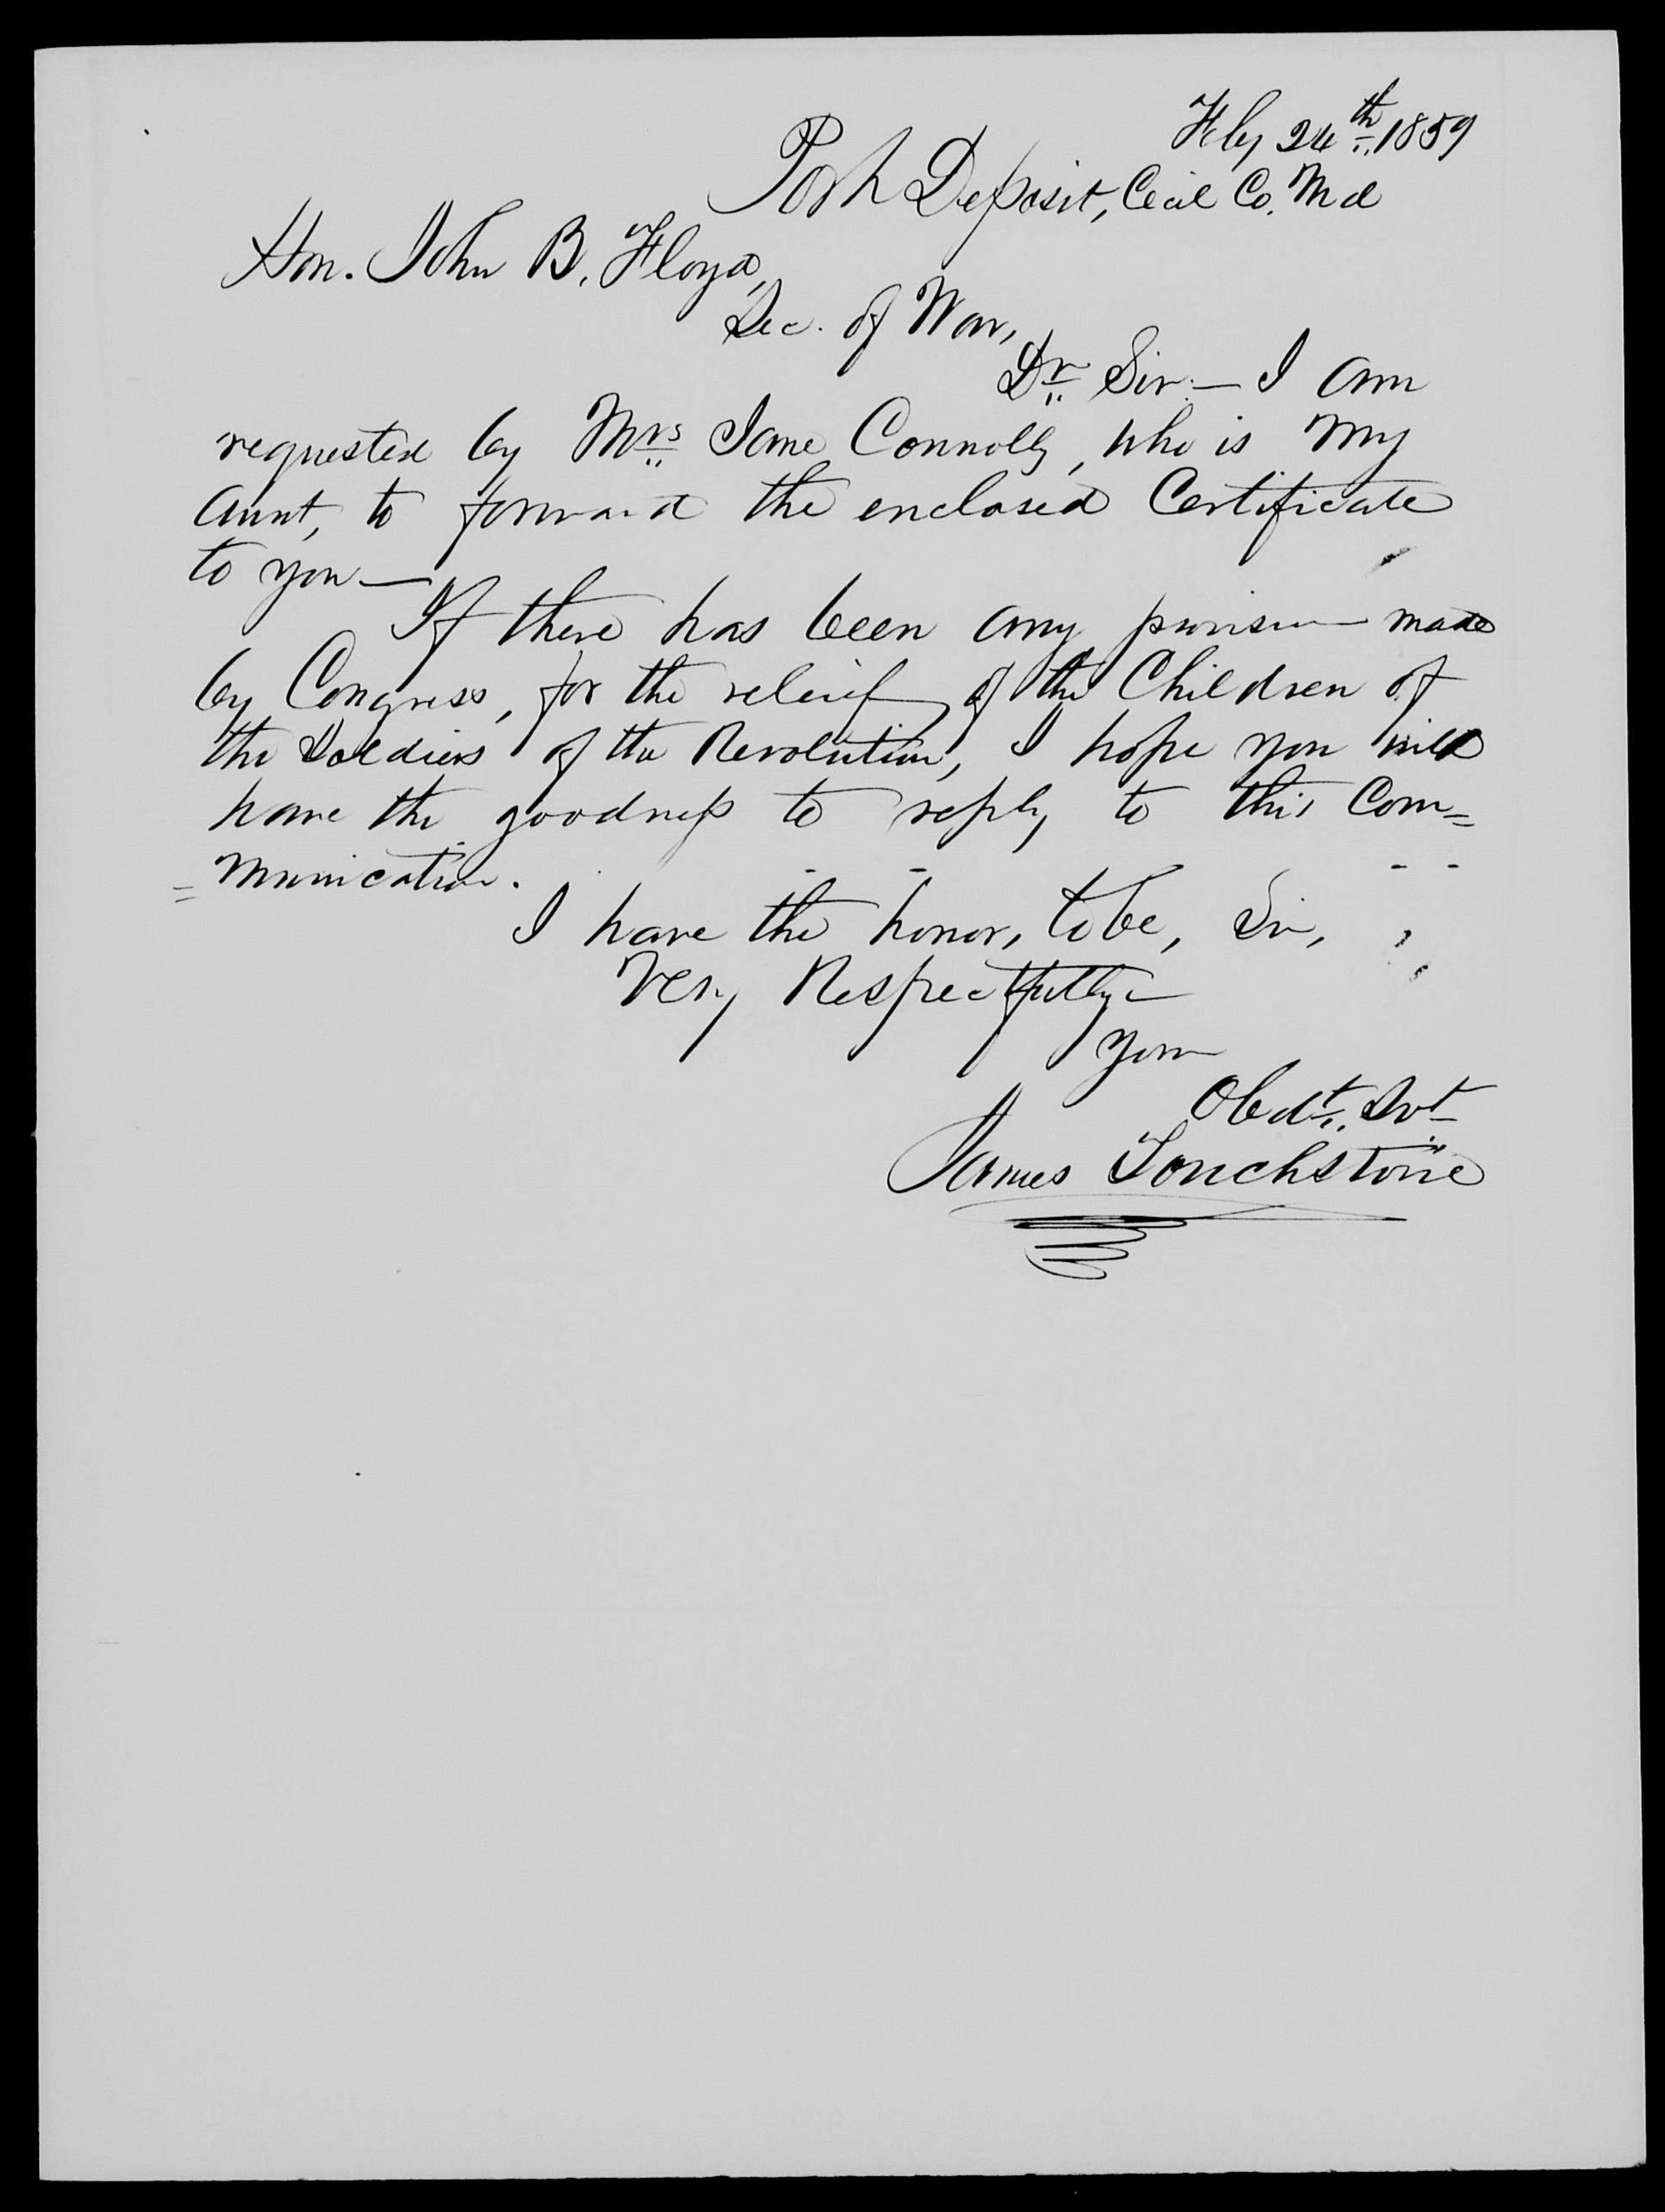Feby 24th 1859
Port Deposit, Cecil Co. Md
Hon. John B. Floyd
Sec. of War,
Dr Sir.__ 
I am requested by Mrs. Jane Connolly who is my
Aunt, to forward the enclosed certificate to you__
If there has been any provision made by Congress, for the relief of the Children of the soldiers of the Revolution, I hope you will have the goodness to reply to this communication.
I have the honor to be, In,
Very Respectully
you
Obedt, Svt.
James Touchstone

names: John B Floyd, James Touchstone, Jane Connolly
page: 23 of 31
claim: survivor's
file: S. 34646, Samuel Beaty, Penn.